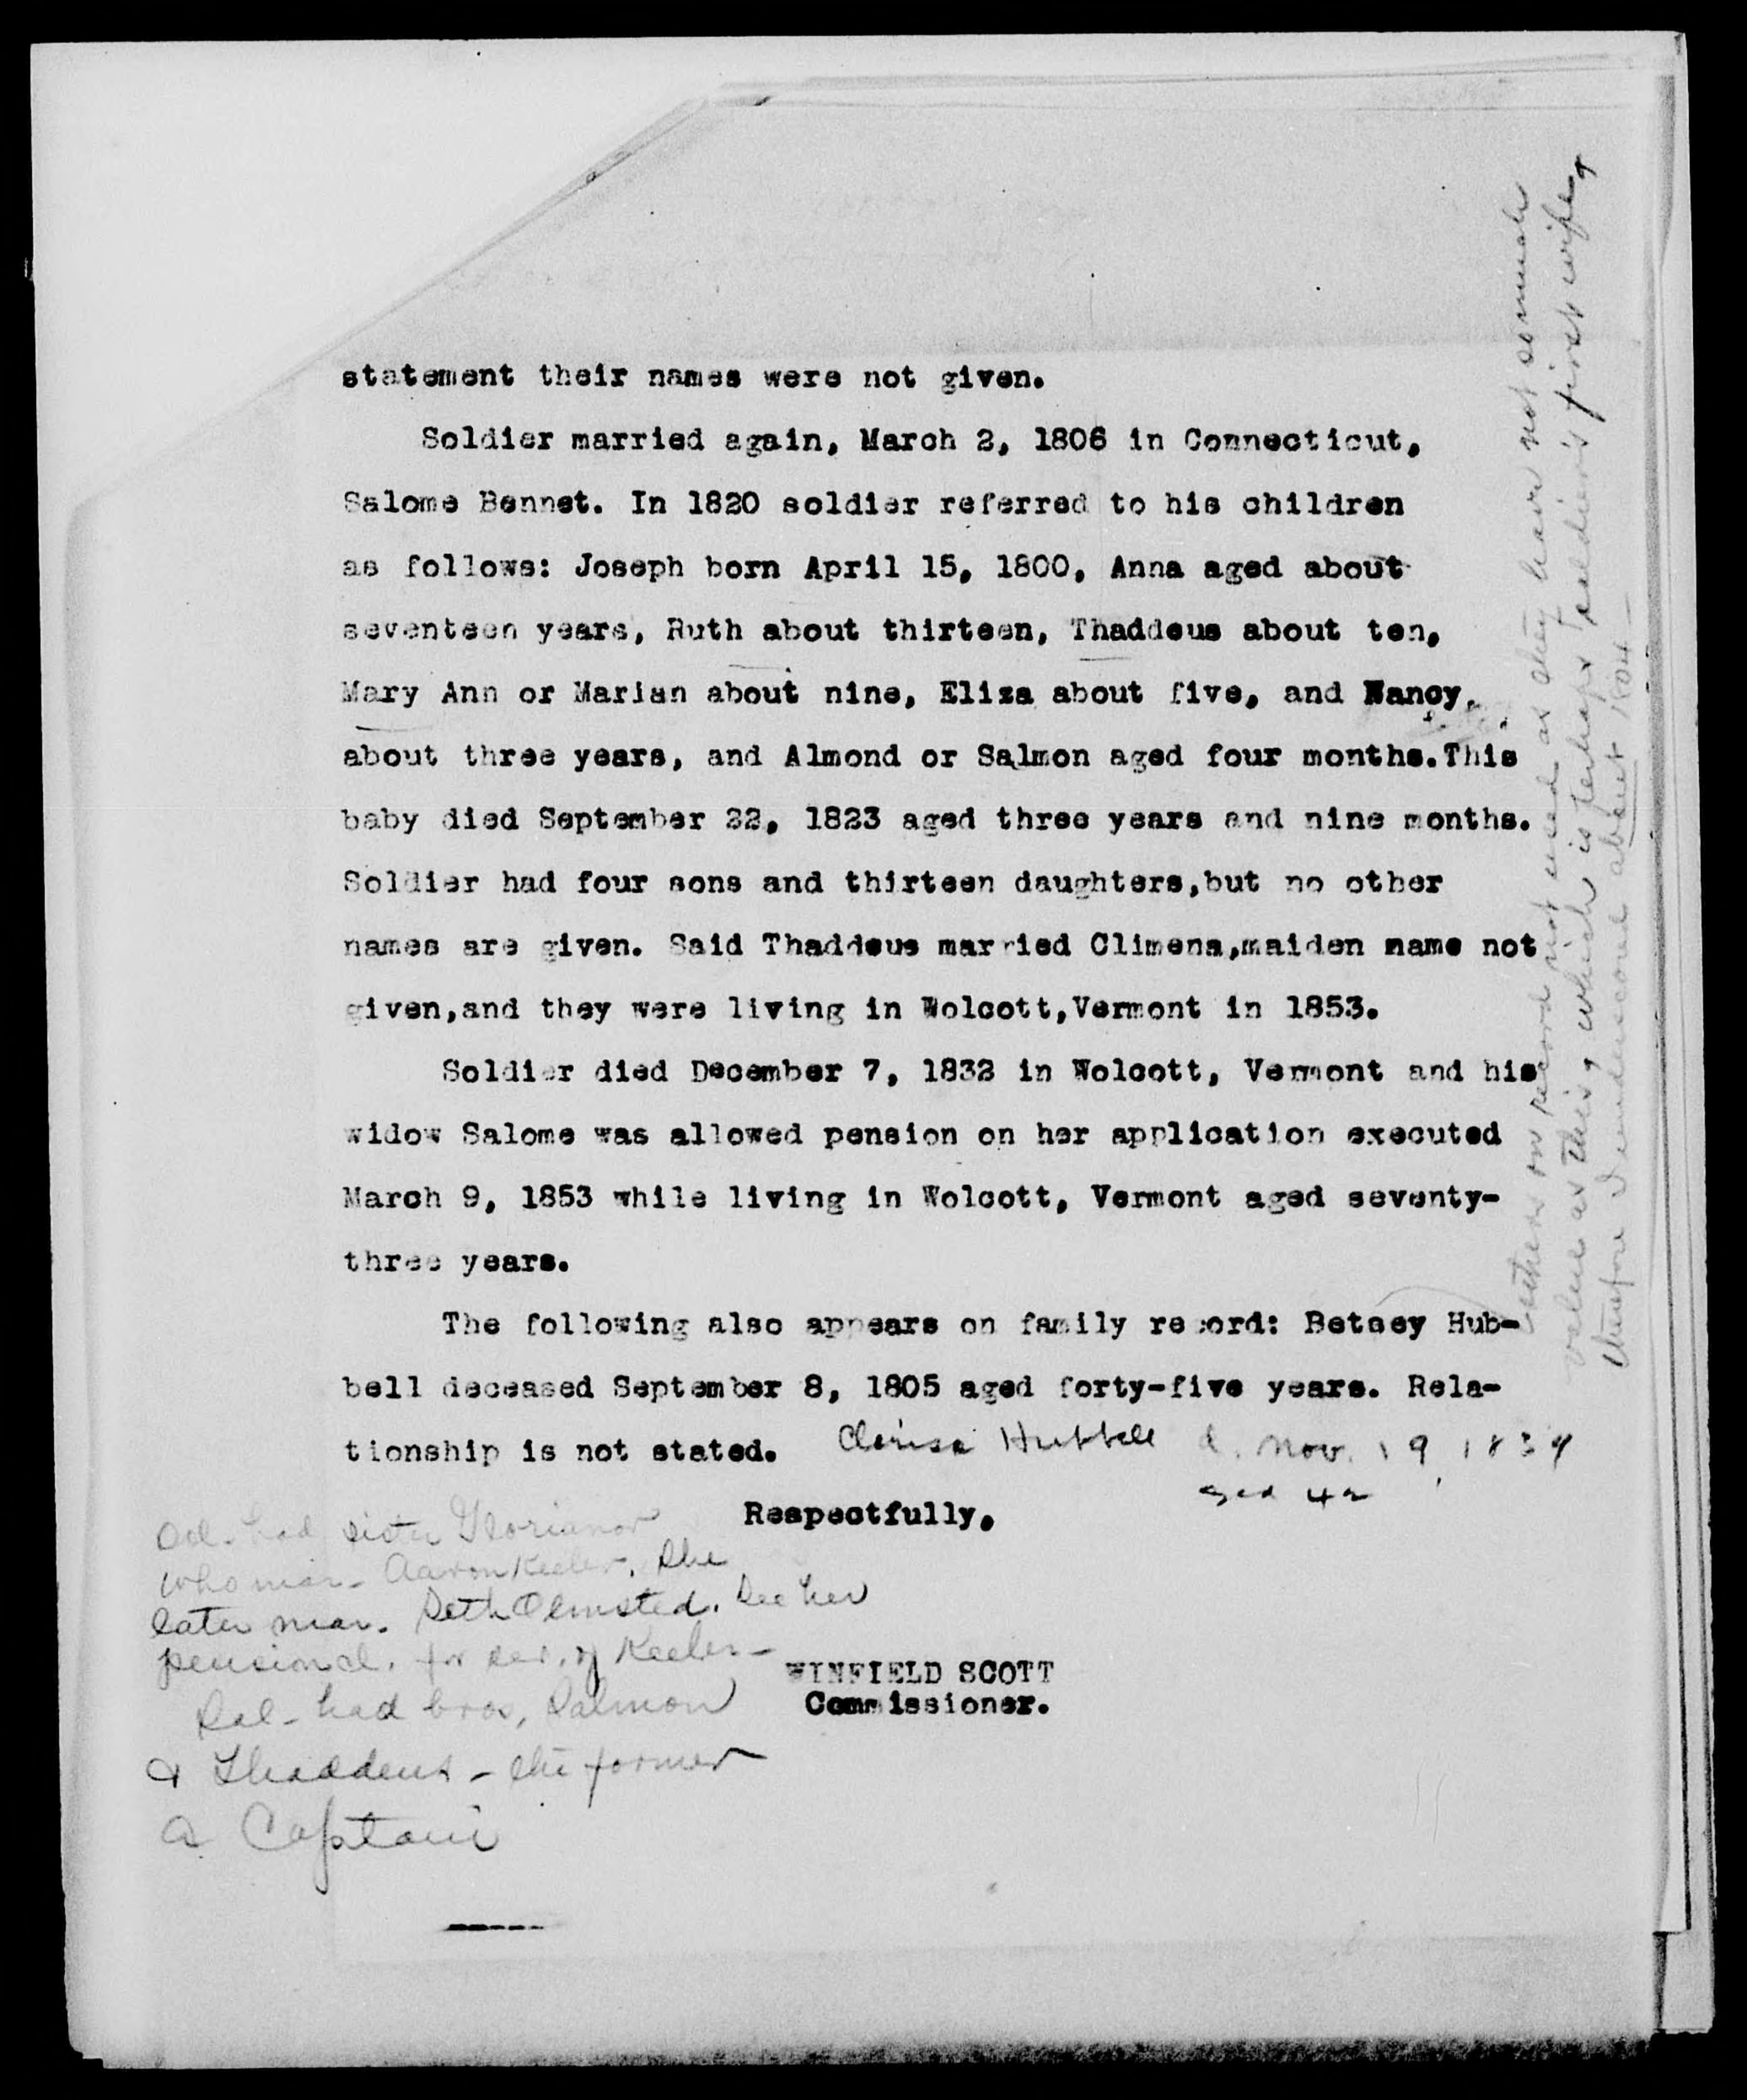statement their names were not given.

Soldier married again, March 2, 1806 in Connecticut, Salome Bennet.  In 1820 soldier referred to his children as follows: Joseph born April 15, 1800, Anna aged about seventeen years, Ruth about thirteen, Thaddeus about ten, Mary Ann or Marian about nine, Elisa about five, and Nancy about three years, and Almond or Salmon aged four months. This baby died September 22, 1823 aged three years and nine months. Soldier had four sons and thirteen daughters, but no other names are given. Said Thaddeus married Climena, maiden name not given, and they were living in Wolcott, Vermont in 1853.

Soldier died December 7, 1832 in Wolcott, Vermont and his widow Salome was allowed pension on her application executed March 9, 1853 while living in Wolcott, Vermont aged seventy-three years.

The following also appears on family record: Betsey Hubbell deceased September 8, 1805 aged forty-five year. Relationship is not stated.

Respectfully,

WINFIELD SCOTT
Commissioner.

[Handwritten note in bottom left of page: "Sol. had sister Gloiranor who mar. Aaron Keeler. She later mar. Seth Olmstead. See her pensional. for ref. of Keeler - Sol. had bros, Salmon and Thaddeus - the former a Captain"]

[Handwritten note after last typed sentence in letter: "Clarisa Hubbell d. Nov. 19, 1834
aged 42"]

[Handwritten, vertically, in right margin: "Letters on record not used as they have not so much value as this, which is perhaps soldier's first wife, therefore I underscore about 1804"]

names: Keeler, Thaddeus, Winfield Scott, Mary Ann, Almond, Betsey Hubbell, Seth Olmsted, Salome, Glorianor, Nancy, Marian, Eliza, Salome Bennet, Anna, Aaron Keeler, Salmon, Ruth, Joseph, Climena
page: 65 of 114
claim: widow's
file: W. 2115, Seth Hubbell, Conn.